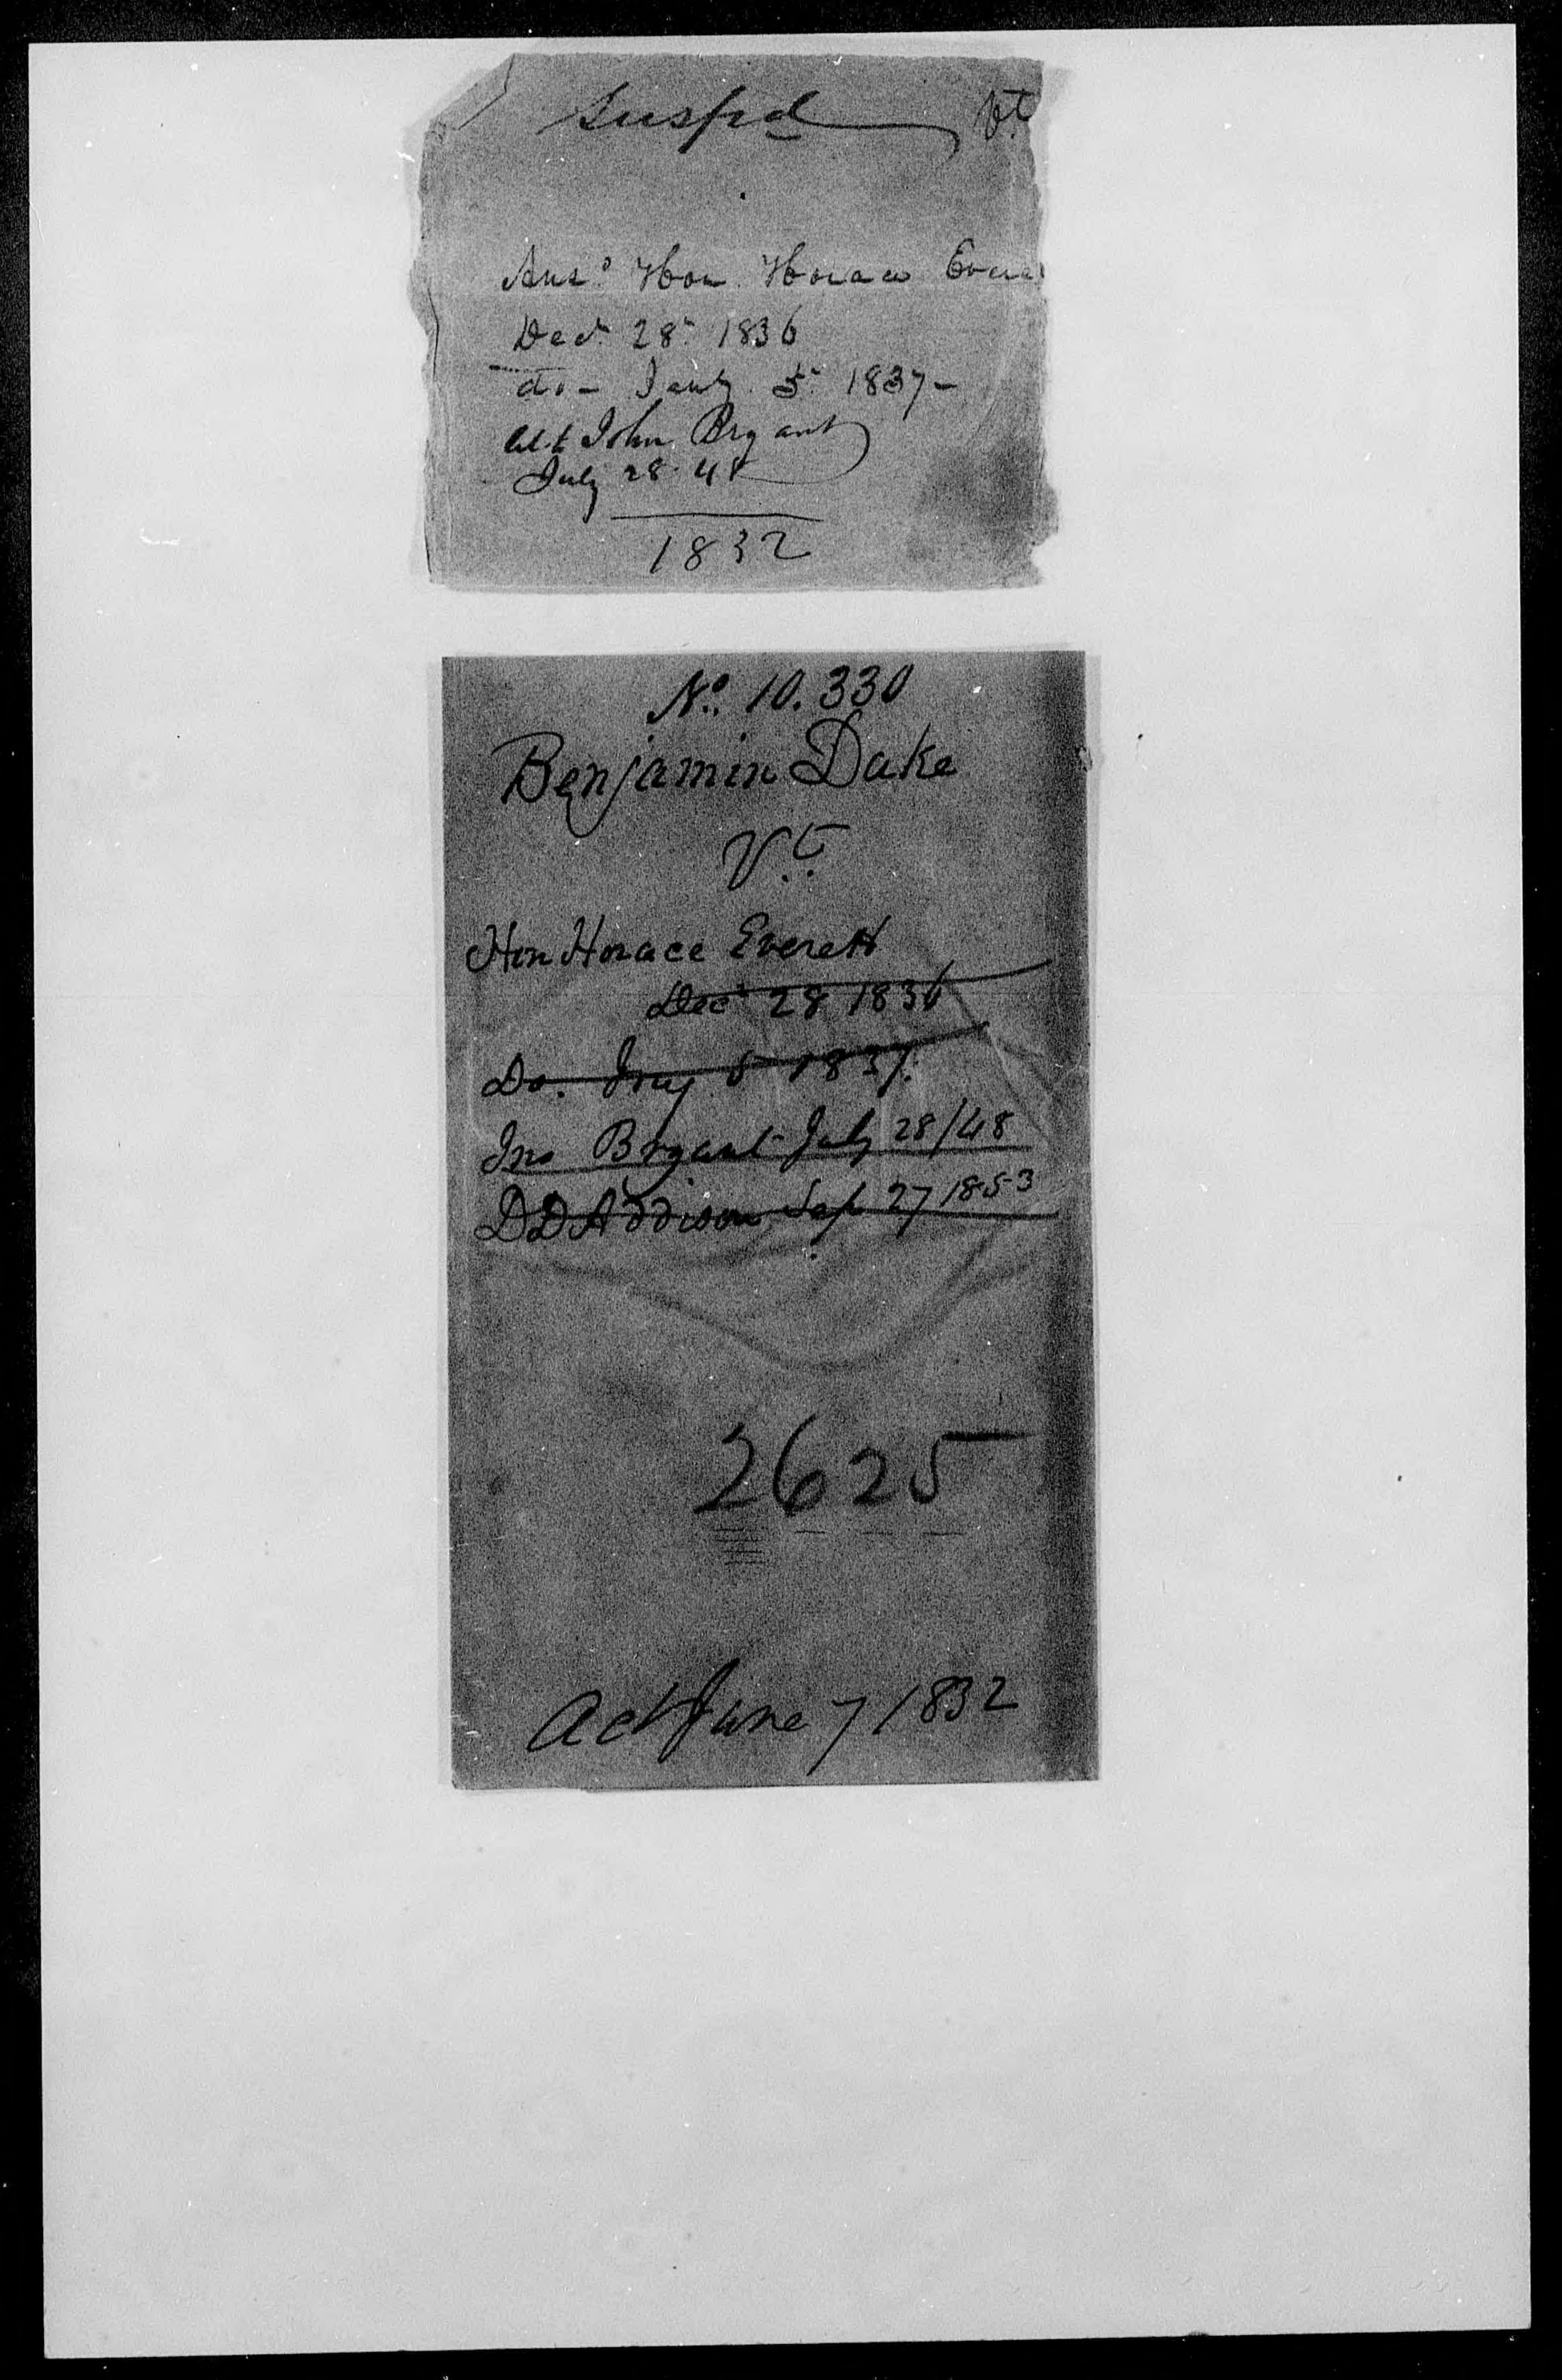Suspend

[illegible] HOn Horace Everett
Dec 28 1836
do July 5 1837
[illegible] John Bryant
July 28 48
1832

No. 10.330
Benjamin Dake
V.T.

Hon Horace Everett
[[srikethrough]]
Dec 18 1836
Do July 5 1837
Jn Bryant July 18/48
DD Addison Sep 27 1853[[/strikethrough]]

2625
Act June 7 1832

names: D D Addison, Benjamin Dake, Horace Everet, John Bryant, Horace Everett, Jno Bryant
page: 8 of 42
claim: rejected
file: R. 2,625, Benjamin Dake, R.I.